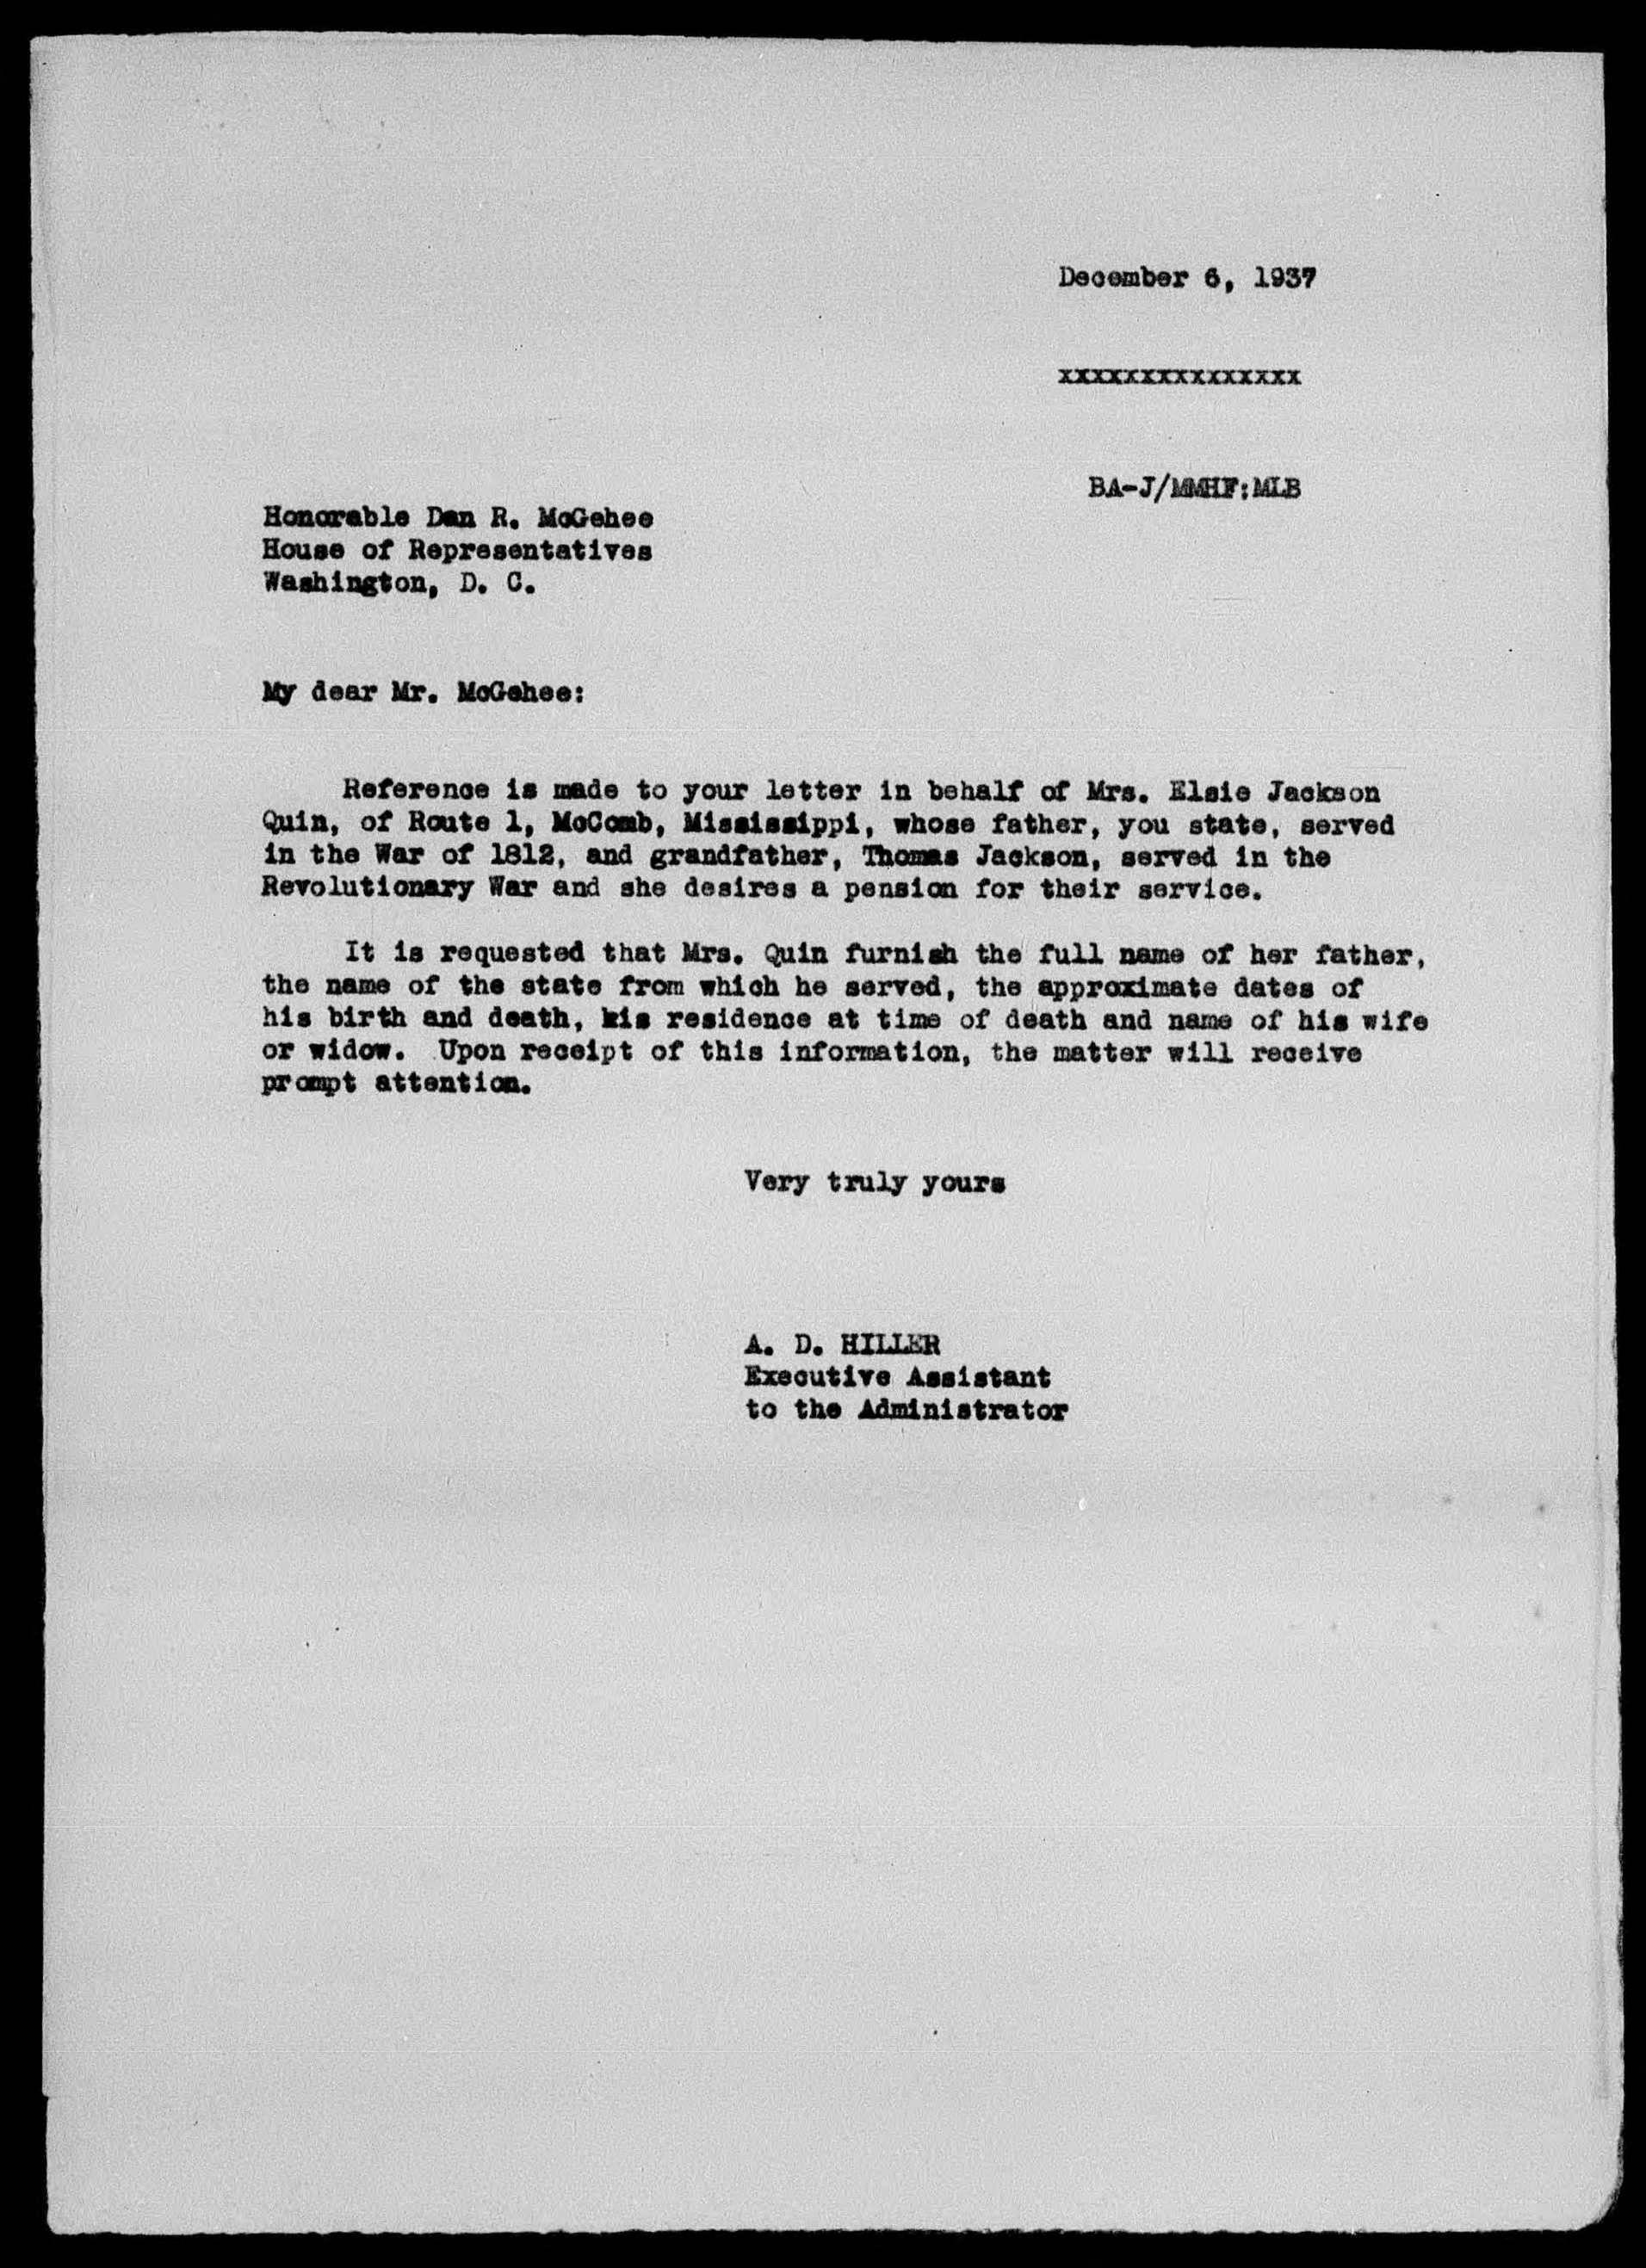December 6, 1937
xxxxxxxxxxxxxxx
BA-J/MMHF:MLB

Honorable Dan R. McGehee
House of Representatives
Washington D.C.
My dear Mr. McGehee:
Reference is made to your letter in behalf of Mrs. Elsie Jackson
Quin, of Route 1, McComb, Mississippi, whose father, you state, served
in the War of 1812, and grandfather, Thomas Jackson, served in the 
Revolutionary War and she desires a pension for their service.
It is requested that Mrs. Quin furnish the full name of her father, 
the name of the state from which he served, the approximate dates of
his birth and death, his residence at time of death and name of his wife
or widow. Upon receipt of this information, the matter will receive
prompt attention. 
Very truly yours
A.D. HILLER
Executive Assistant
to the Administrator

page: 24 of 54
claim: survivor's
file: S. 31166, for Thomas Jackson, South Carolina